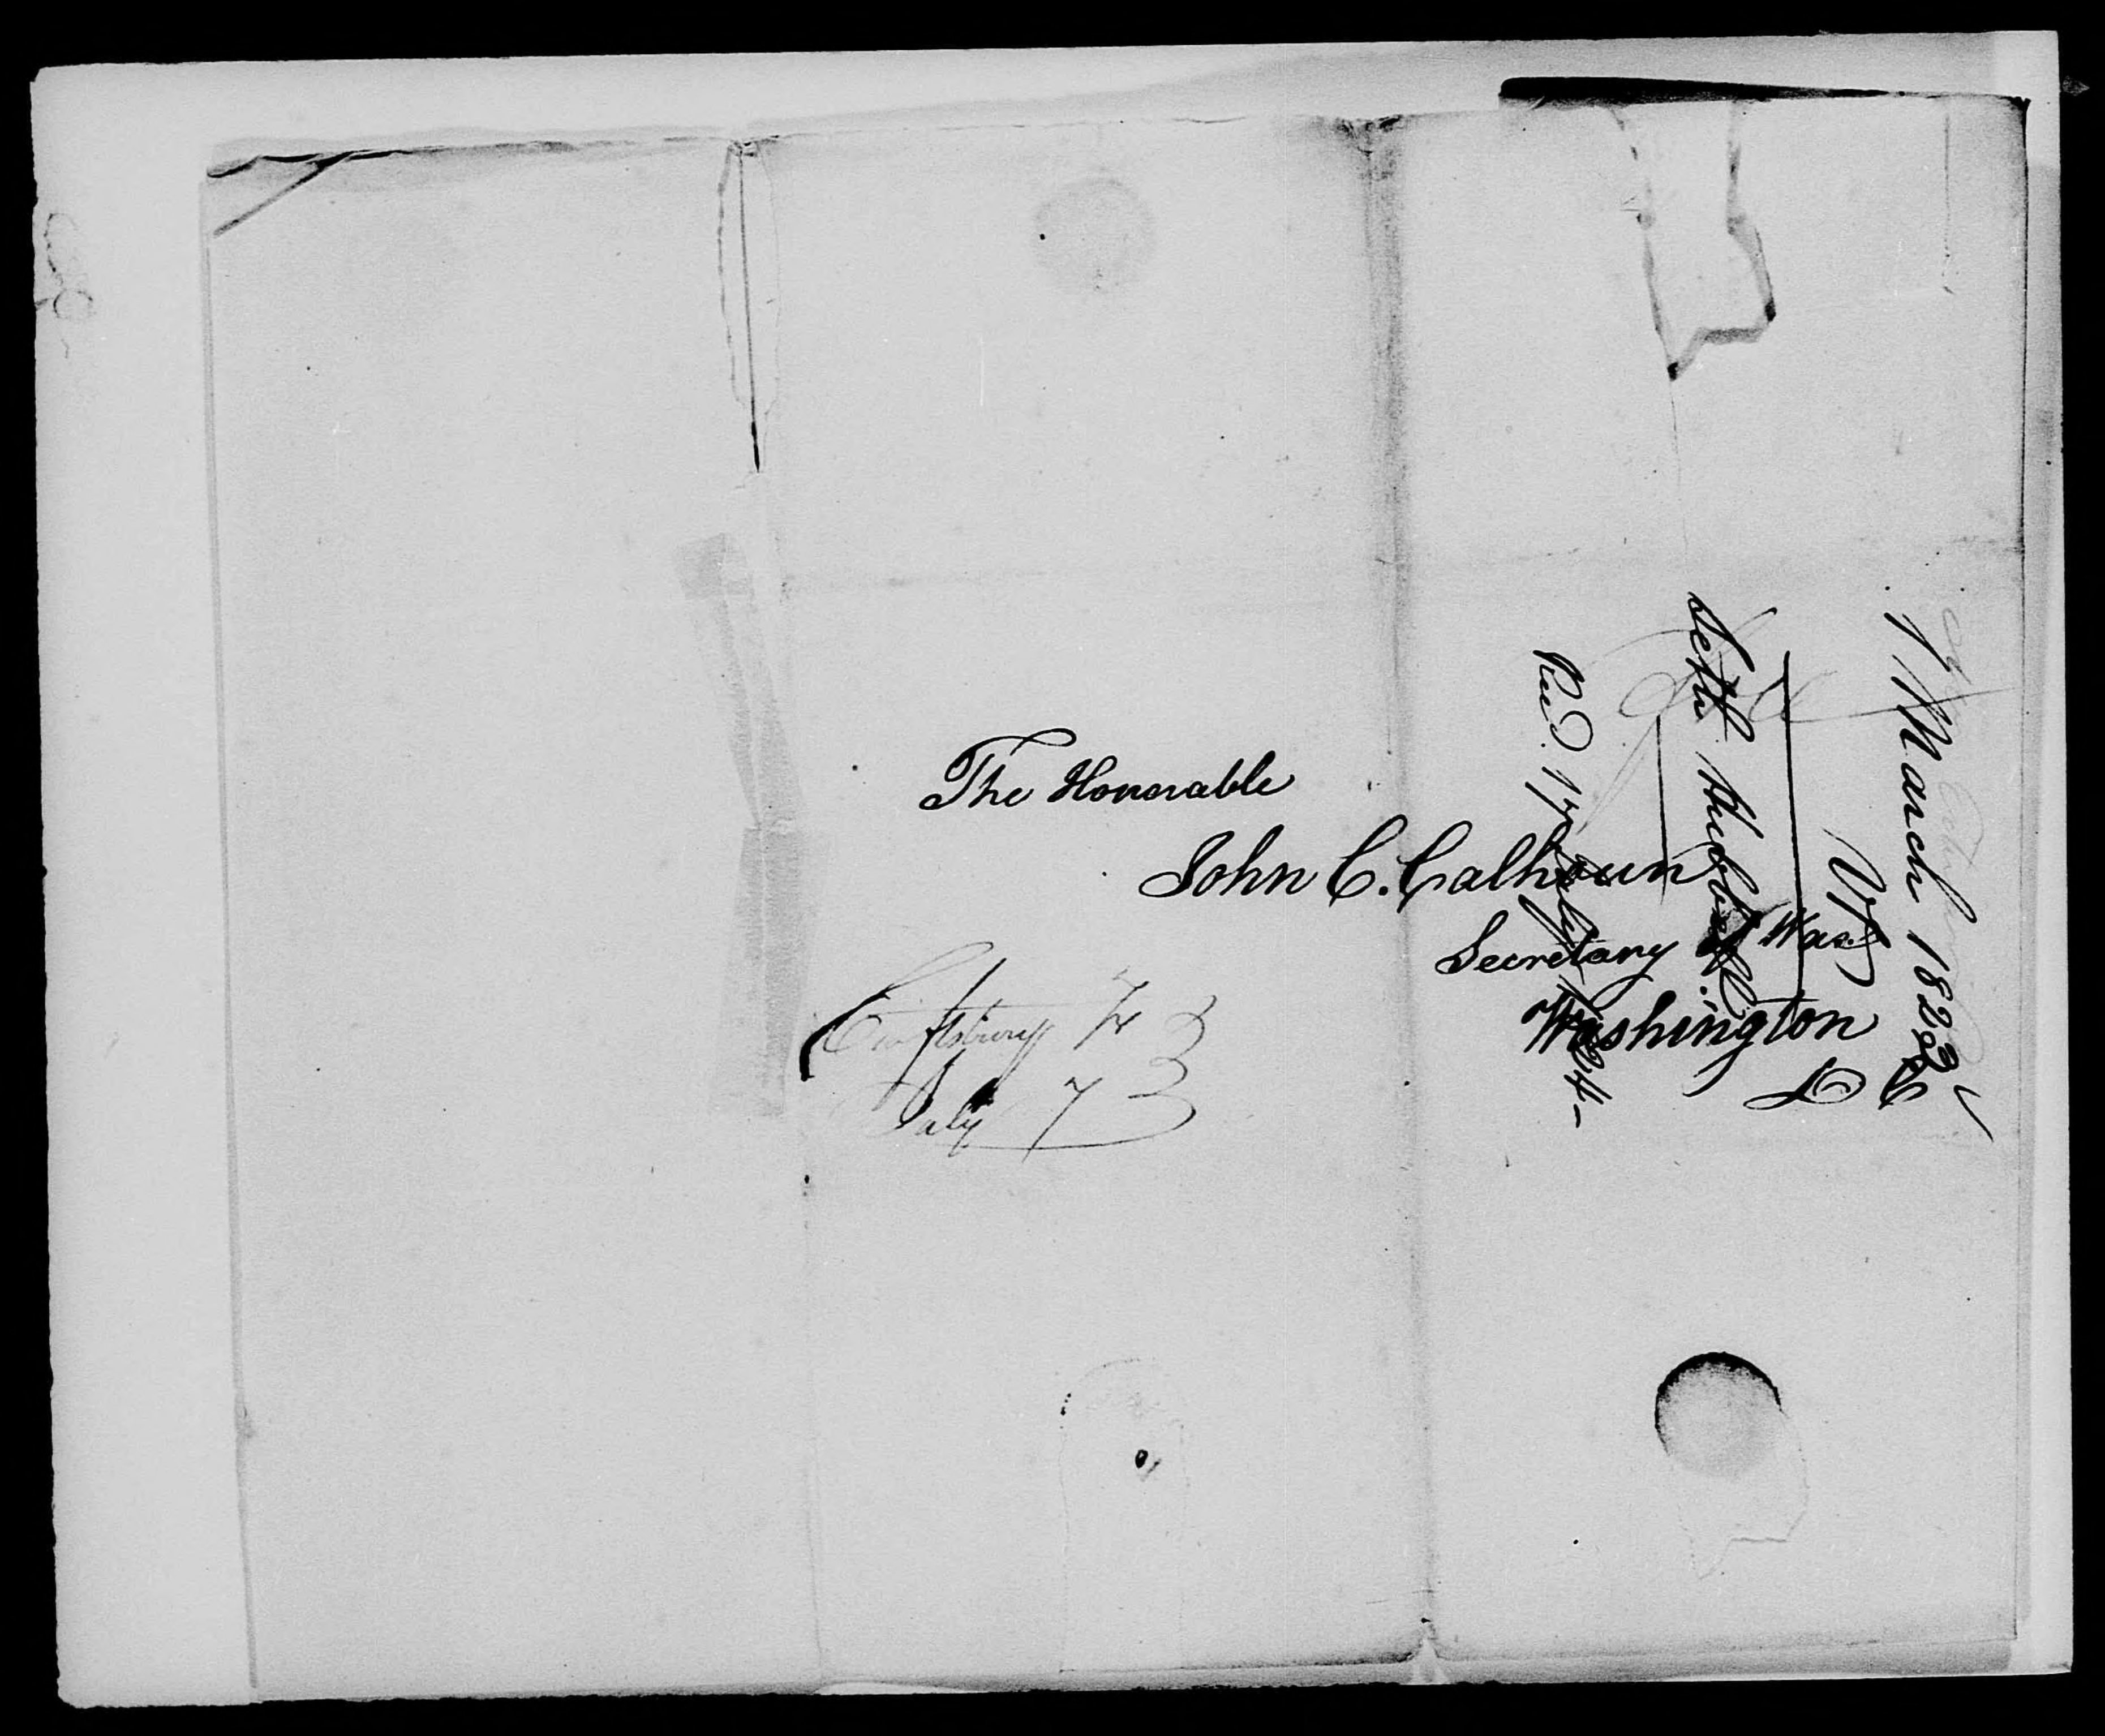The Honorable 
John C. Calhoun
Secretary of War
Washington 
DC
Craftsburg {illegible}
July 7
March 1823
Vt
Seth Hubbell
 Recd  17 July 1824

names: John C Calhoun, Seth Hubbell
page: 92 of 114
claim: widow's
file: W. 2115, Seth Hubbell, Conn.